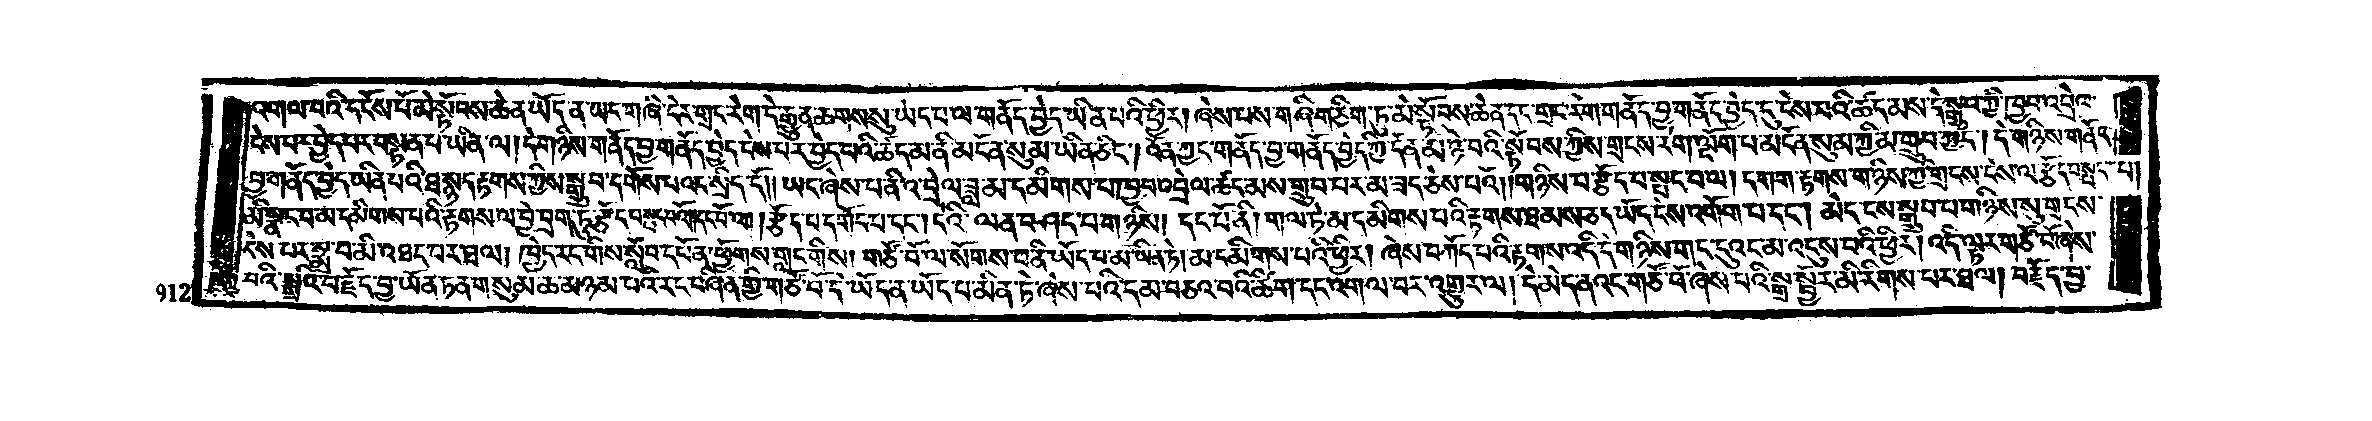འགལ་བའི་དངོས་པོ་མེ་སྟོབས་ཆེན་ཡོད་ན་ཡང་གཞི་དེར་གྲང་རེག་དེ་རྒྱུན་ཆགས་སུ་ཡོད་པ་ལ་གནོད་བྱེད་ཡིན་པའི་ཕྱིར། ཞེས་པས་གཞི་གཅིག་ཏུ་མེ་སྟོབས་ཆེན་དང་གྲང་རེག་གནོད་བྱ་གནོད་བྱེད་དུ་ངེས་པའི་ཚད་མས་དེ་སྒྲུབ་ཀྱི་ཁྱབ་འབྲེལ་
ངེས་པར་བྱེད་པར་བསྟན་པ་ཡིན་ལ། དེ་གཉིས་གནོད་བྱ་གནོད་བྱེད་ངེས་པར་བྱེད་པའི་ཚད་མ་ནི་མངོན་སུམ་ཡིན་ཅིང་། འོན་ཀྱང་གནོད་བྱ་གནོད་བྱེད་ཀྱི་དོན་མ་ཉེ་བའི་སྟོབས་ཀྱིས་གྲངས་རེག་ལྡོག་པ་མངོན་སུམ་ཀྱི་མ་གྲུབ་ཀྱང་། དེ་གཉིས་གནོད་
བྱ་གནོད་བྱེད་ཡིན་པའི་ཐ་སྙད་རྟགས་ཀྱིས་སྒྲུབ་དགོས་པའང་སྲིད་དོ། །ཡང་ཞེས་པ་ནི་འབྲེལ་ཟླ་མ་དམིགས་པ་ཁྱབ་འབྲེལ་ཚད་མས་གྲུབ་པར་མ་ཟད་ཅེས་པའོ། །གཉིས་པ་རྩོད་པ་སྤང་བ་ལ། དགག་རྟགས་གཉིས་ཀྱི་གྲངས་ངེས་ལ་རྩོད་པ་སྤང་པ།
མི་སྣང་བ་མ་དམིགས་པའི་རྟགས་ལ་བྱེ་བྲག་ཏུ་རྩོད་པ་སྤང་བའོ། །དྣག་པོ་ལ། རྩོད་པ་དགོང་པ་དང་། དེའི་ལན་བཤད་པ་གཉིས། དང་པོ་ནི། གལ་ཏེ་མ་དམིགས་པའི་རྟགས་ཐམས་ཅད་ཡོད་ངེས་དགོག་པ་དང་། མེད་ངས་སྒྲུབ་པ་གཉིས་སུ་གྲངས་
ངེས་པར་སྨྲ་བ་མི་འཐད་པར་ཐལ། ཁྱེད་རང་གིས་སློབ་དཔོན་ཕྱོགས་གླང་གིས། གཙོ་བོ་ལ་སོགས་བ་ནི་ཡོད་པ་མ་ཡིན་ཏེ། མ་དམིགས་པའི་ཕྱིར། ཞེས་བཀོད་པའི་རྟགས་འདི་དེ་གཉིས་གང་དུའང་མ་འདུས་པའི་ཕྱིར། འདི་ལྟར་གཙོ་བོ་ཞེས་
པའི་སྒྲའི་བརྗོད་བྱ་ཡོན་ཏན་གསུམ་ཆ་མཉམ་པའི་རང་བཞིན་གྱི་གཙོ་བོ་དེ་ཡོད་ན་ཡོད་པ་མིན་ཏེ་ཟེཧས་པའི་དམ་བཅའ་བའི་ཚིག་དྣག་འགལ་བར་འགྱུར་ལ། དེ་མེད་ནའང་གཙོ་བོ་ཞེས་པའི་སྒྲ་སྦྱོར་མི་རིགས་པར་ཐལ། བརྗོད་བྱ་